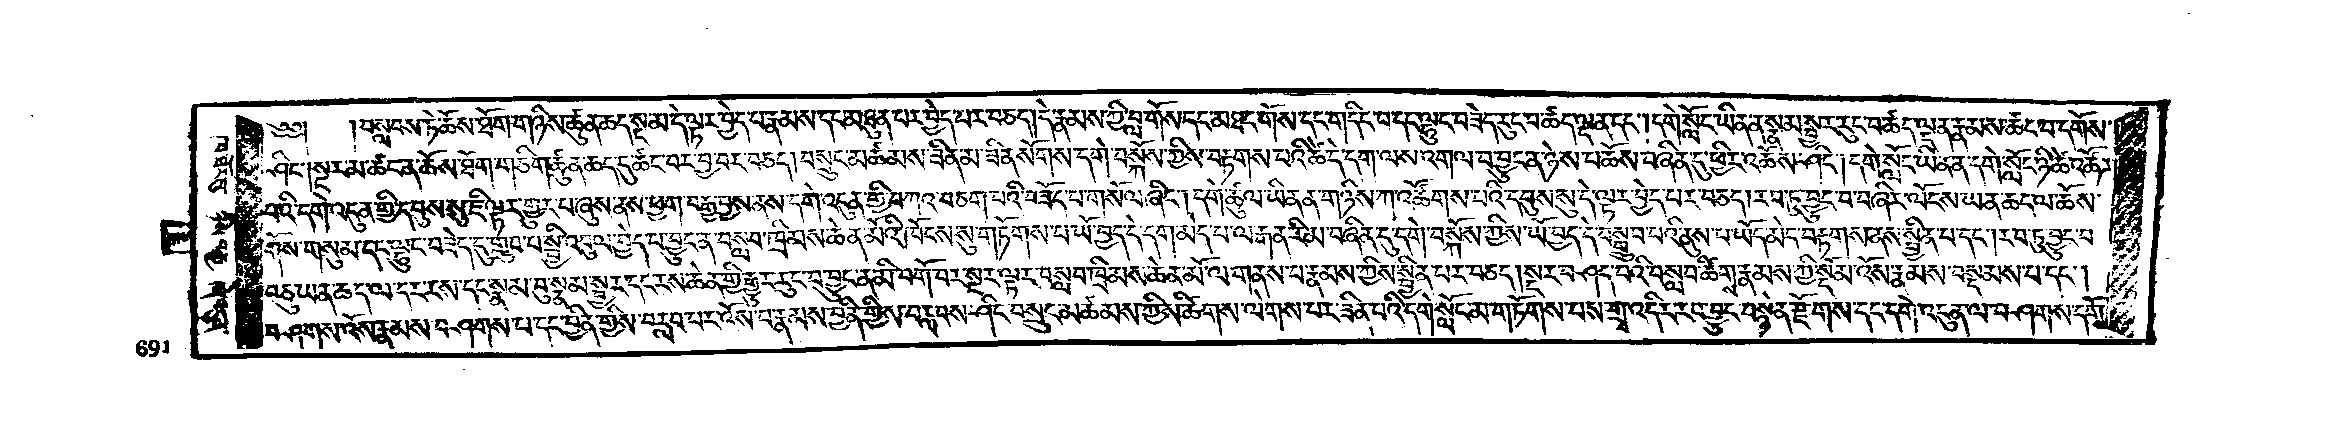༄༅། །བསླབས་ཏེ་ཆོས་ཐོག་གཉིས་ཚུན་ཆད་སྔ་མ་དེ་ལྟར་བྱེད་པ་རྣམས་དང་མཐུན་པར་བྱེད་པར་བཅད། དེ་རྣམས་ཀྱི་བླ་གོས་དང་མཐང་གོས་དང་གདིང་བ་དང་ལྷུང་བཟེད་རུང་བ་ཚད་ལྡན་དང་། དགེ་སློང་ཡིན་ན་སྣམ་སྦྱར་རུང་བ་ཚད་ལྡན་རྣམས་ཚང་བ་དགོས་
ཤིང༑ སྔར་མ་ཚང་ན་ཆོས་ཐོག་གཅིག་ཚུན་ཆད་དུ་ཚང་བར་བྱ་བར་བཅད། བསྲུང་མཚམས་ཟིན་མ་ཟིན་སོགས་དགེ་བསྐོས་ཀྱིས་བརྟགས་པའི་ཚེ་དེ་དག་ལས་འགལ་བ་བྱུང་ན་ཉེས་པ་ཆོས་བཞིན་དུ་ཕྱིར་འཆོ་ས་ཤིང་། དགེ་སློང་ཡིན་ན་དགེ་སློང་ཉི་ཚེ་འཚོགས་
པའི་དགེ་འདུན་གྱི་དབུས་སུ་ཇི་ལྟར་གྱུར་པ་ཞུས་ནས་ཕྱག་བརྒྱ་བྱས་ནས་དགེ་འདུན་གྱི་བཀའ་བཅག་པའི་བཟོད་པ་གསོལ་ཞིང་། དགེ་ཚུལ་ཡིན་ན་གཉིས་ཀ་འཚོགས་པའི་དབུས་སུ་དེ་ལྟར་བྱེད་པར་བཅད། རབ་ཏུ་བྱུང་བ་བཞིར་ལོངས་ཡན་ཆད་ལ་ཆོས་
གོས་གསུམ་དང་ལྷུང་བཟེད་དུ་གྲུབ་པ་སྤྱི་འབུལ་བྱེད་པ་བྱུང་ན་བསླབ་ཁྲིམས་ཆེན་མོའི་ཁོངས་སུ་གཏོགས་པ་ཡོ་བྱད་དེ་དག་མེད་པ་ལ་རྒན་རིམ་བཞིན་དུ་དགེ་བསྐོས་ཀྱིས་ཡོ་བྱད་དེ་བསྒྲུབ་པའི་ནུས་པ་ཡོད་མེད་བརྟགས་ནས་སྦྱིན་པ་དང་། རབ་ཏུ་བྱུང་བ་
བཅུ་ཡན་ཆད་ལ་དར་རས་དང་སྣམ་བུ་སྣམ་སྦྱར་དང་རས་ཆེན་གྱི་རྒྱུར་རུང་བ་བྱུང་ན་མི་བགོ་བར་སྔར་ལྟར་བསླབ་ཁྲིམས་ཆེན་མོ་ལ་གནས་པ་རྣམས་ཀྱིས་སྦྱིན་པར་བཅད། སྔར་བཤད་པའི་བསླབ་ཚིགས་རྣམས་ཀྱི་སྡོམ་འོས་རྣམས་བསྡམས་པ་དང་།
བཤགས་འོས་རྣམས་བཤགས་པ་དང་བྱིན་གྱིས་བརླབ་པར་འོས་པ་རྣམས་བྱིན་གྱིས་བརླབས་ཤིང་བསྲུང་མཚམས་ཀྱི་ས་ཚིགས་ལེགས་པར་ཟིན་པའི་དགེ་སློང་མ་གཏོགས་པས་གྲྭ་འདིར་རབ་བྱུང་བསྙེན་རྫོགས་དང་དགེ་འདུན་ལ་བཤགས་དགོས་